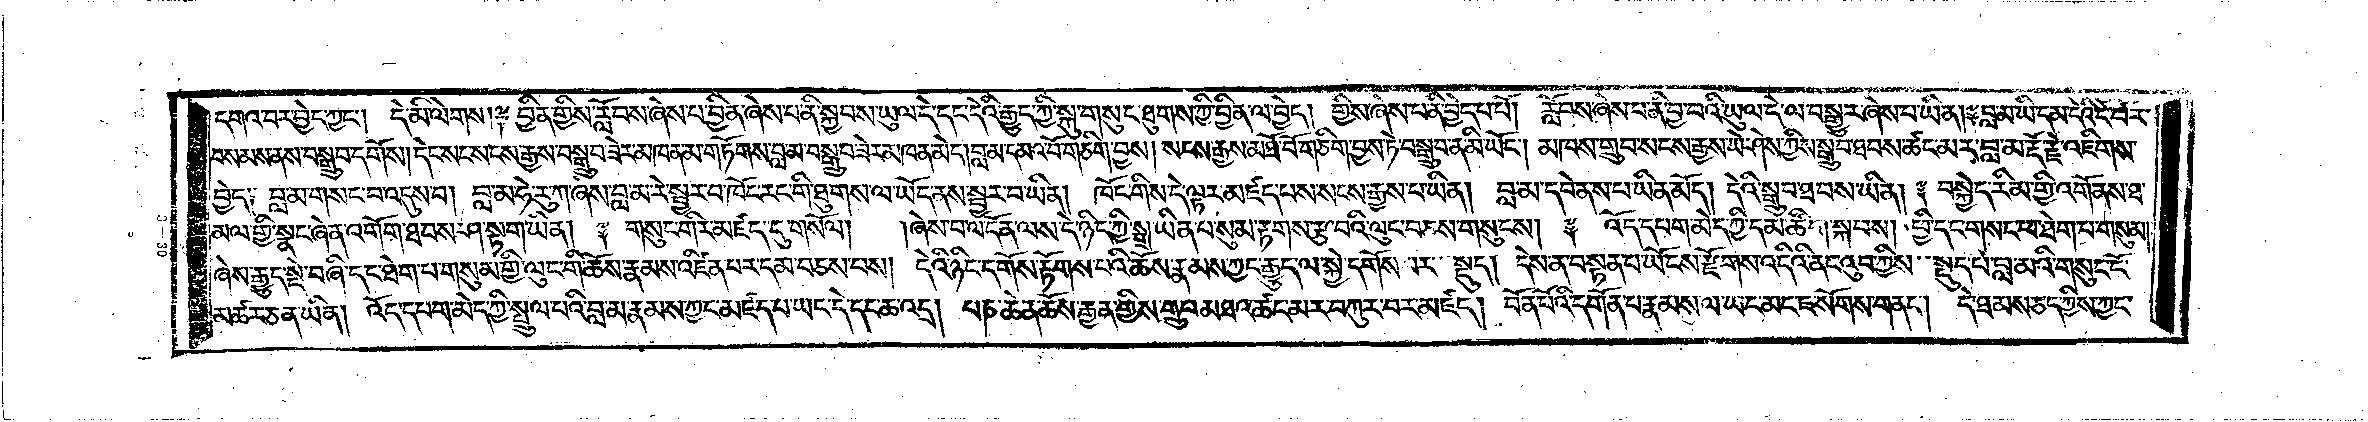དགའ་བར་བྱེད་ཀྱང་། དེ་མི་ལེགས། ༈ བྱིན་གྱིས་རློབས་ཞེས་པ་བྱིན་ཞེས་པ་ནི་སྐྱབས་ཡུལ་དེ་དང་དེའི་རྒྱུད་ཀྱི་སྐུ་གསུང་ཐུགས་ཀྱི་བྱིན་ལ་བྱེད། གྱིས་ཞེས་པ་ནི་བྱེད་པ་པོ། རློབས་ཞེས་པ་ནི་བྱ་བའི་ཡུལ་དེ་ལ་བསྒྱུར་ཞེས་པ་ཡིན། ༈ བླ་མ་ཡི་དམ་དེའི་ངོ་བོར་
བསམས་ནས་བསྒྲུབ་དགོས། དེང་སང་སངས་རྒྱས་བསྒྲུབ་ཟེར་མཁན་མ་གཏོགས་བླ་མ་བསྒྲུབ་ཟེར་མཁན་མེད་།བླ་མ་དམའ་བོ་གཅིག་བྱས། སངས་རྒྱས་མཐོ་བོ་གཅིག་བྱས་ཏེ་བསྒྲུབ་ན་མི་ཡོང་། མཁས་གྲུབ་སངས་རྒྱས་ཡེ་ཤེས་ཀྱིས་སྒྲུབ་ཐབས་ཚང་མར་བླ་མ་རྡོ་རྗེ་འཇིགས་
བྱེད༑ བླ་མ་གསང་བ་འདུས་བ། བླ་མ་ཧེ་རུ་ཀ་ཞེས་བླ་མ་རེ་སྦར་བ་ཁོང་རང་གི་ཐུགས་ལ་ཡོད་ནས་སྦྱར་བ་ཡིན། ཁོང་གིས་དེ་ལྟར་མཛད་པས་སངས་རྒྱས་པ་ཡིན། བླ་མ་དབེན་ས་པ་ཡིན་མོད། དེའི་སྒྲུབ་ཐབས་ཡིན། ༈ བསྐྱེད་རིམ་གྱི་འགོ་ནས་ཐ་
མལ་གྱི་སྣང་ཞེན་འགོག་ཐབས་ཤ་སྟག་ཡིན། ༈ གསུང་གིར་མཛད་དུ་གསོལ། །ཞེས་པ་ལ་དོན་ལས་དེ་ཉིད་ཀྱི་སྒྲ་ཡིན་པ་སུམ་རྟགས་རྩ་བའི་ལུང་བཅས་གསུངས། ༈ འོད་དཔག་མེད་ཀྱི་དམ་ཚིག་སྐབས། ཕྱི་དང་གསང་ཕ་ཐེག་པ་གསུམ།
ཞེས་རྒྱུད་སྡེ་བཞི་དང་ཐེག་པ་གསུམ་གྱི་ལུང་གི་ཆོས་རྣམས་འཛིན་པར་དམ་བཅས་བས། དེའི་ཉིང་དགོས་རྟོགས་པའི་ཆོས་རྣམས་ཀྱང་རྒྱུད་ལ་སྐྱེ་དགོས་པར་སྡུད། དེས་ན་བསྟན་པ་ཡོངས་རྫོགས་འདིའི་ནང་འུབ་ཀྱིས་སྡུད་པ་བླ་མའི་གསུང་ངོ་
མཚར་ཅན་ཡིན། འོད་དཔག་མེད་ཀྱི་སྤྲུལ་པའི་བླ་མ་རྣམས་ཀྱང་མཛད་པ་ཡང་དེ་དང་ཆ་འདྲ། པཎ་ཆེན་ཆོས་རྒྱན་གྱིས་གྲུབ་མཐའ་ཚང་མར་བཀུར་བར་མཛད། བོན་པོའི་དགོན་པ་རྣམས་ལ་ཡང་མང་ཇ་སོགས་གནང་། དེ་ཐམས་ཅད་ཀྱིས་ཀྱང་